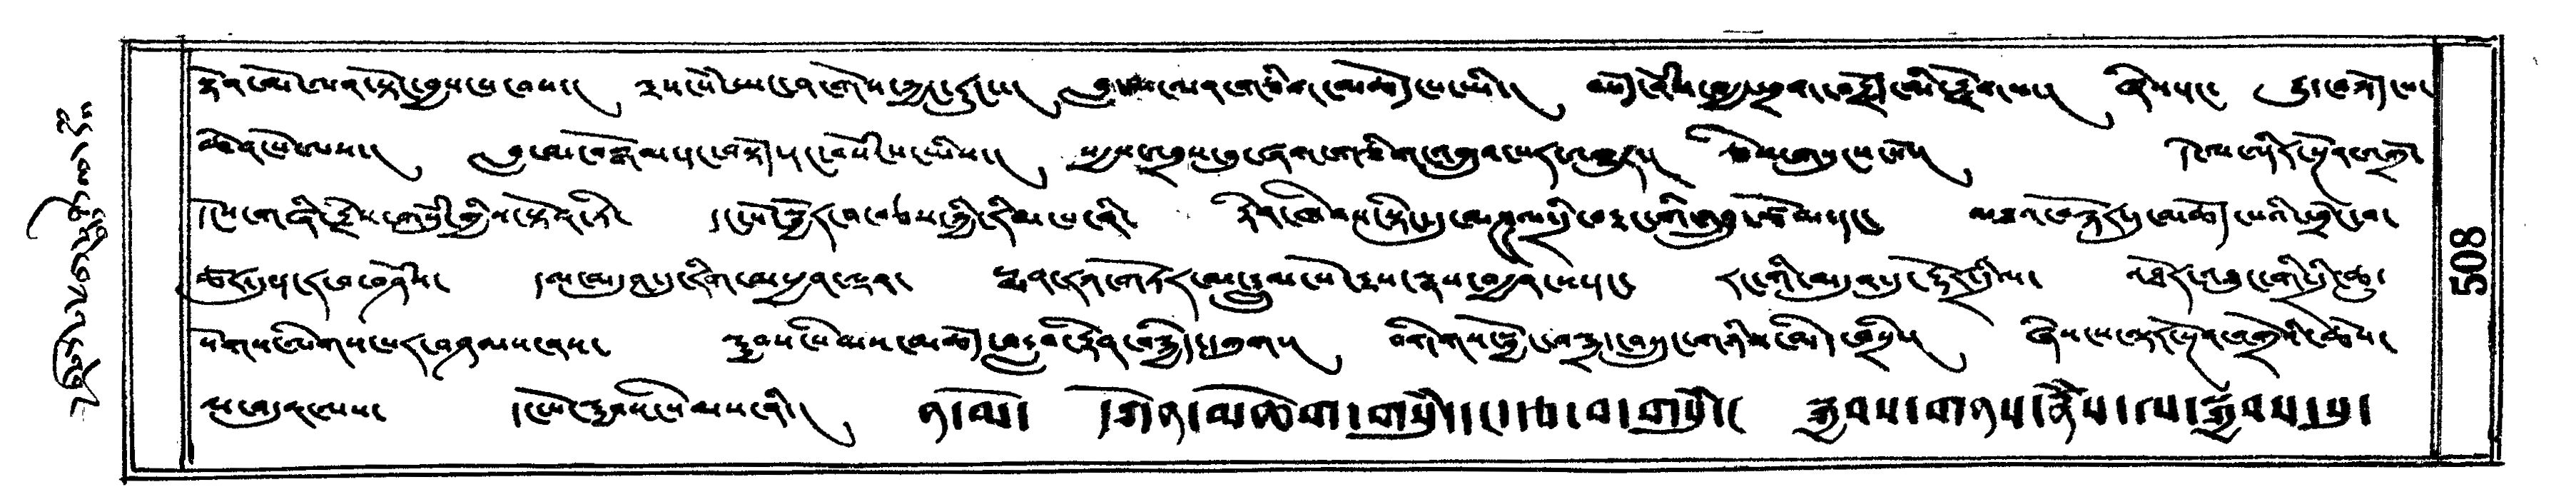། སྟོན་མོ་ལན་སྟོང་བྱས་པ་བས། །ཟས་སམ་ཡང་ན་གོས་ཀྱང་རུང་། །བླ་མ་ལན་གཅིག་མཆོད་པ་ཡི། །བསོད་ནམས་བརྒྱ་ཕྲག་བརྗོད་མི་རྫོགས། ཞེས་དང་། །རྒྱུད་བཀོད་པ་
ཆེན་པོ་ལས། བླ་མ་སྒོམ་དང་བསྟོད་དང་བསམ་པ་ཡིས། །སངས་རྒྱས་འབྲས་བུ་ཞག་གཅིག་འགྲུབ་པར་འགྱུར། ཞེས་གསུངས་སོ། དེ་ལ་འདིར་སྔོན་འགྲོ་
དངོས་གཞི་རྗེས་གསུམ་གྱིས་སྟོན་དེ། དང་པོ་སྦྱོར་བ་བཅས་ཀྱི་རིམ་པ་ནི། རྟེན་ཁེབས་སྟེང་དུ་མཎྜལ་དྲི་བཟང་གི་འབྲུ་ཚོམ་དང་། མཐའ་བསྐོར་དུ་མཆོད་པའི་ཕྲེང་བ་
ཚར་དུ་དངར་བ་བཤམ། དལ་མདུན་རིག་མ་རྒྱན་ལྡན། སྨན་རཀ་གཏོར་མ་ཟླུམ་པོ་ཟས་སྣས་བརྒྱན་པ་དང་། རང་གི་མདུན་དུ་རྡོར་དྲིལ། འཐོར་འཐུང་གི་དྲི་ཆུ་
སོགས་ལེགས་པར་བཤམས་ནས། སྐྱབས་སེམས་མཆོད་བརླབ་རྟེན་བསྐྱེད་དགུག །བགེགས་སྦྱོང་བསྐྲད་བསྲུང་གཉིས་མེད་བསྲེ། ཞེས་པ་ལྟར་སྔོན་འགྲོའི་ཆོས་
ལ་བདུན་ལས།དང་པོ་སྐྱབས་སེམས་ནི། ན་མོ༔ དཀོན་མཆོག་གསུམ་དང་རྩ་བ་གསུམ༔ སྐྱབས་གནས་རྣམས་ལ་སྐྱབས་སུ་